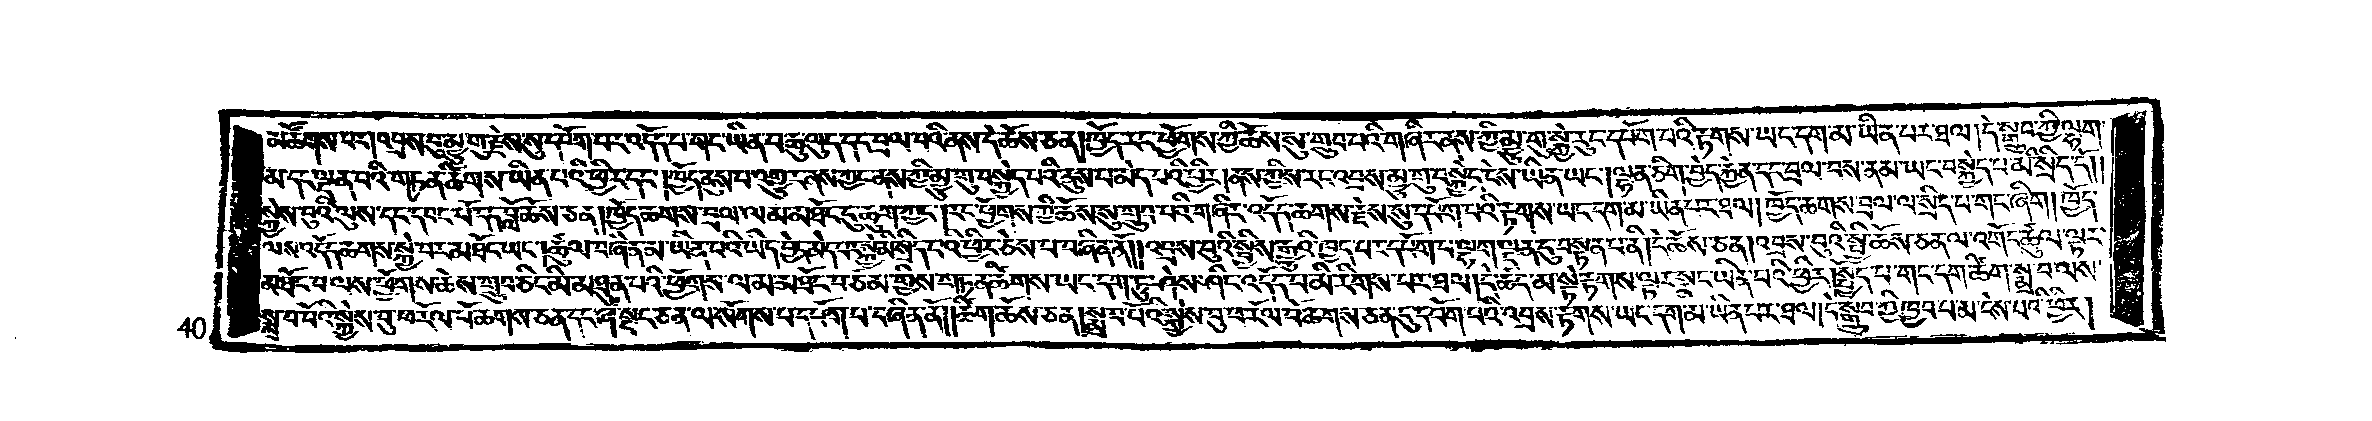མ་ཚོགས་པར། འབྲས་བུ་མྱུ་གུ་རྗེས་སུ་དཔོག་པར་འདོད་པ་གང་ཡིན་པ་ཆུ་ལུད་དང་བྲལ་བའི་ནས་དེ་ཆོས་ཅན། ཁྱོད་རང་ཕྱོགས་ཀྱི་ཆོས་སུ་གྲུབ་པའི་གཞིར་ནས་ཀྱི་མྱུ་གུ་སྐྱེ་རུང་དཔོག་པའི་རྟགས་ཡང་དག་མ་ཡིན་པར་ཐལ། དེ་སྒྲུབ་ཀྱི་ལྷག་
མ་དང་ལྡན་པའི་གཏན་ཚིགས་ཡིན་པའི་ཕྱིར་དང་། ཁྱོད་ནུས་པ་འགྱུར་ནས་ཀྱང་ནས་ཀྱི་མྱུ་གུ་བསྐྱེད་པའི་ནུས་པ་མེད་པའི་ཕྱིར། ནས་ཀྱིས་རང་འབྲས་མྱུ་གུ་བསྐྱེད་ངེས་ཡིན་ཡང་། ལྷན་ཅིག་བྱེད་རྐྱེན་དང་བྲལ་བས་ནམ་ཡང་བསྐྱེད་པ་མི་སྲིད་དོ། །
སྐྱེས་བུའི་ལུས་དང་དབང་པོ་དང་བློ་ཆོས་ཅན། ཁྱོད་ཆགས་བྲལ་ལ་མ་མཐོང་དུ་ཆུག་ཀྱང་། རང་ཕྱོགས་ཀྱི་ཆོས་སུ་གྲུབ་པའི་གཞིར་འདོད་ཆགས་རྗེས་སུ་དཔོག་པའི་རྟགས་ཡང་དག་མ་ཡིན་པར་ཐལ། ཁྱོད་ཆགས་བྲལ་ལ་སྲིད་པ་གང་ཞིག །ཁྱོད་
ལས་འདོད་ཆགས་སྐྱེ་བར་མཐོང་ཡང་། ཚུལ་བཞིན་མ་ཡིན་པའི་ཡིད་བྱེད་མེད་པར་སྐྱེ་མི་སྲིད་པའི་ཕྱིར་ཅེས་པ་བཞིན་ནོ། །འབྲས་བུའི་སྤྱིས་རྒྱུའི་ཁྱད་པར་དཔོག་པ་ལྷག་ལྡན་དུ་བསྟན་པ་ནི། དེ་ཆོས་ཅན། འབྲས་བུའི་སྤྱི་ཆོས་ཅན་ལ་འགོད་ཚུལ་ལྟར་
མཐོང་བ་ལས་ཕྱོགས་ཆོས་གྲུབ་ཅིང་མི་མཐུན་པའི་ཕྱོགས་ལ་མ་མཐོང་བ་ཙམ་གྱིས་གཏན་ཚིགས་ཡང་དག་ཏུ་ཤེས་ཤིང་འདོད་པ་མི་རིགས་པར་ཐལ། དེ་ཚད་མ་སྟེ་རྟགས་ལྟར་སྣང་ཡིན་པའི་ཕྱིར། སྤྱོད་པ་གང་དག་ཚིག་སྨྲ་བ་ལས་
སྨྲ་བ་པོའི་སྐྱེས་བུ་ཕ་རོལ་པོ་ཆགས་ཅན་དང་ཞེ་སྡང་ཅན་ལ་སོགས་པ་དཔོག་པ་བཞིན་ནོ། །ཚིག་ཆོས་ཅན། སྨྲ་བ་པོའི་སྐྱེས་བུ་ཕ་རོལ་པོ་ཆགས་ཅན་དུ་དཔོག་པའི་འབྲས་རྟགས་ཡང་དག་མ་ཡིན་པར་ཐལ། དེ་སྒྲུབ་ཀྱི་ཁྱབ་པ་མ་ངེས་པའི་ཕྱིར།